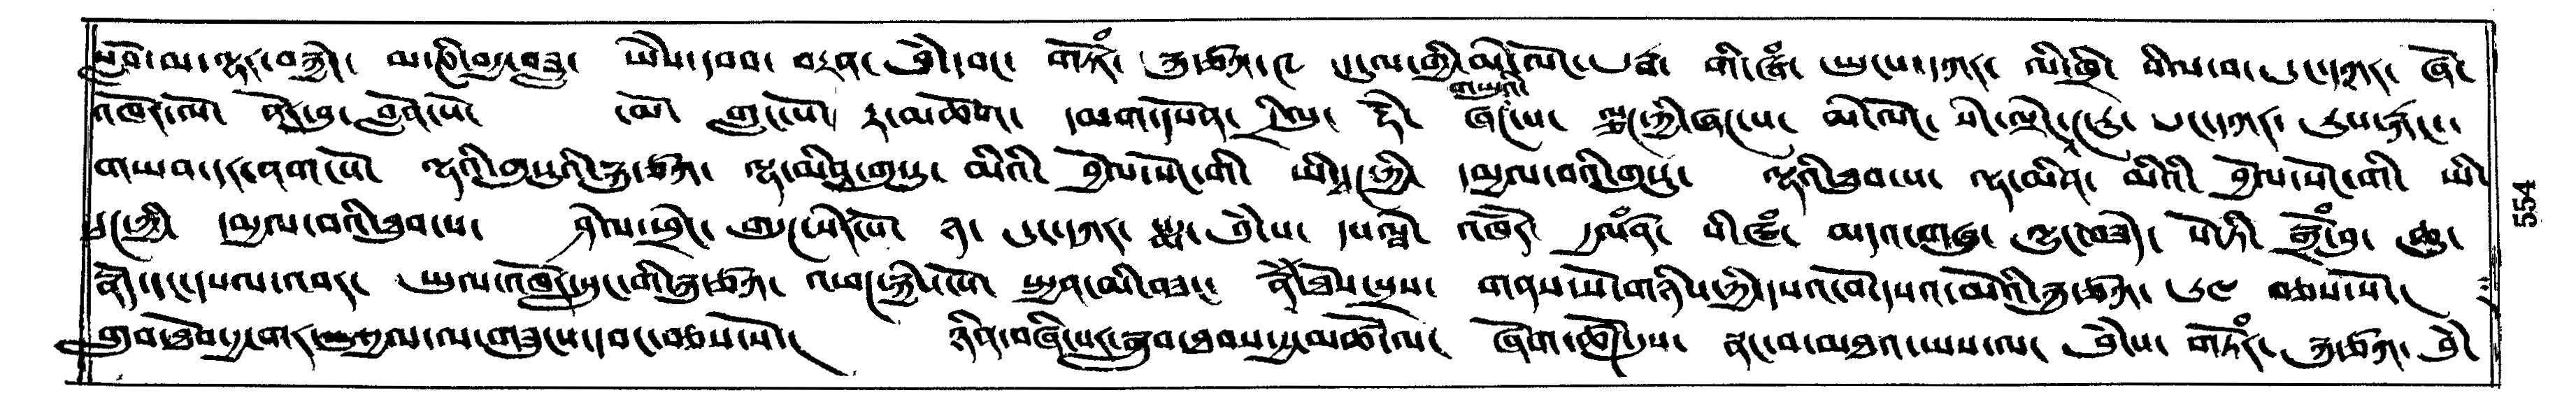སློབ་མ་ལྷར་བསྐྱེད། མ་ཎི་བརྒྱ་བཟླ། ཡེ་ཤེས་དབབ་བརྟན། བུམ་དབང་། གཏོར་མ། སྐུ་ཙཀ་དགུ། དངུལ་གྱི་མེ་ལོང་། དུརྦ། གི་ཝཾ། ཡུངས་དཀར། ལི་ཁྲི། བིལ་བ། དུང་དཀར། ཞོ། 
འཁོར་ལོ། ནོར་བུ། བློན་པོ། བཙུན་མོ། གླང་པོ། རྟ་མཆོག དམག་དཔོན། དྲིལ་བུ། རྡོ་རྗེ། ཞགས་པ། ལྕགས་ཀྱི་ཞགས་པ། མེ་ལོང་། སེང་ལྡེང་ཌཱ་རུ། དུང་དཀར། རུས་རྐང་
གཡབ་དར་ནག་པོ། ལྷའི་གུ་རུའི་སྐུ་ཙཀ། ལྷ་མིན་གུ་རུ། མིའི། བྱོལ་སོང་གི། ཡི་དྭགས་ཀྱི། དམྱལ་བའི་གུ་རུ། ལྷའི་ཐུབ་པ། ལྷ་མིན། མིའི། བྱོལ་སོང་གི། ཡི་
དྭགས་ཀྱི། དམྱལ་བའི་ཐུབ་པ། ཤེལ་ཕྲེང་། གདུགས་སེར་སོ། ཉ། དུང་དཀར། པདྨ། བུམ་པ། དཔལ་བེའུ། འཁོར་ལོ། རྒྱལ་མཚན། པི་ཝཾ། མདའ་གཞུ། ལྷུང་བཟེད། པོ་ཏི། སྒྲོམ་བུ། ཆུ་
སྣོད་དང་དཔལ་འབར། ཡུལ་འཁོར་སྲུང་གི་སྐུ་ཙཀ།འཕགས་སྐྱེས་པོ། སྤྱན་མི་བཟང་། རྣམ་ཐོས་སྲས། གནས་སོ་གཉིས་ཀྱི་དཔའ་བོ་དཔའ་མོའི་སྐུ་ཙཀ ༦༤ བཅས་སོ།། 
གྲུབ་ཐོབ་རྒྱ་གར་རྒྱལ་ལ་གཟུངས་དབང་བཅས་སོ།། ཉིན་བཞི་པར་སྒྲུབ་ཐབས་རྒྱ་མཚོ་ལ། ཞོག་ཚོགས་དུས། སྣང་བ་མཐའ་ཡས་ལ། བུམ་པ། གཏོར་མ། སྐུ་ཙཀ བུམ་